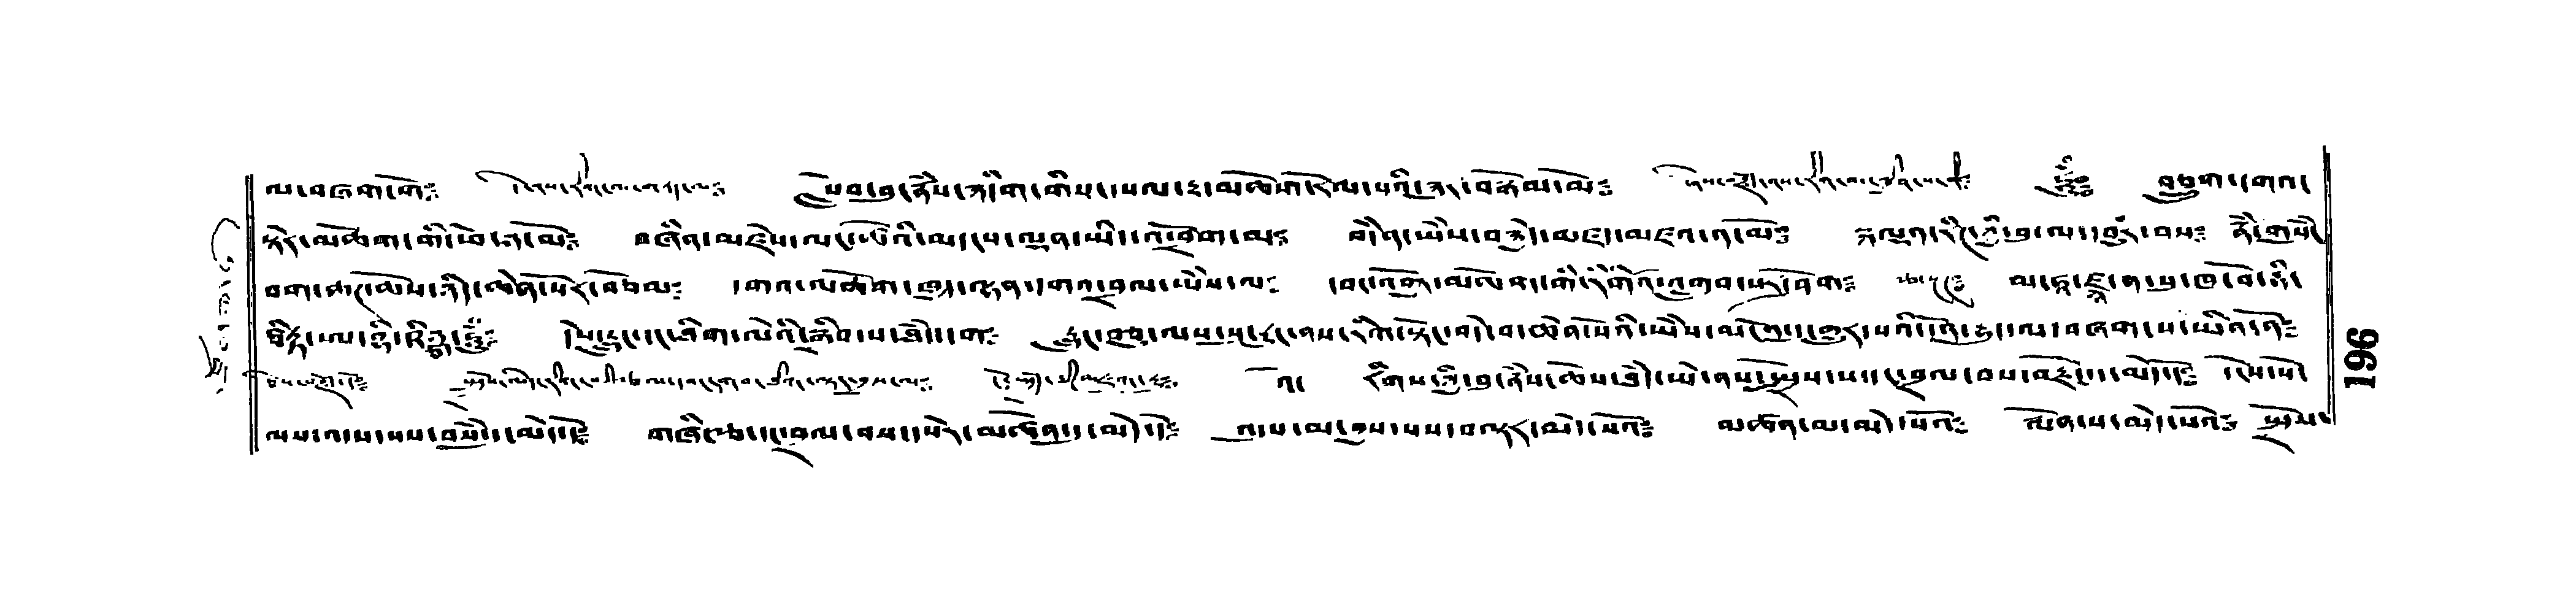ལ་བཞག་གོ༔ དེ་ནས་རིག་མ་གཏད་ལ༔ སློབ་བུ་རྣམས་སྐད་ཅིག་གིས་དཔལ་རྟ་མཆོག་རོལ་བའི་སྐུར་བསྒོམ་མོ༔ ཞེས་བརྗོད་ནས་རིག་མ་སྦྱིན་པ་ནི༔ ཧཱུྃ༔ བཅུ་དྲུག་དགའ་
སྟེར་མཆོག་གི་ཕོ་ཉ་མོ༔ བཞིན་མཛེས་ལང་ཚོའི་མདངས་ལྡན་ཡིད་འཕྲོག་མ༔ བདེ་ཆེན་ཡེ་ཤེས་བསྐྱེད་མཛད་མཛའ་ན་མོ༔ སྐལ་ལྡན་རིགས་ཀྱི་བུ་ལ་དབང་བསྐུར་བས༔ རྣམ་གསུམ་
བག་ཆགས་ཆོས་ཉིད་ཆེན་པོར་བཅོམ༔ དགའ་མཆོག་ཁྱད་ལྡན་དགའ་བྲལ་ཡེ་ཤེས་ལ༔ དབང་འབྱོར་མཆོག་གི་རིག་འཛིན་འགྲུབ་པར་ཤོག༔ རྩ་སྔགས༔ མ་ཧཱ་ཛྙཱ་ན་སུ་ཁ་བོ་དྷི་
ཙིཏྟ་ཨ་བྷི་རིཉྩ་ཧཱུྃ༔ དེས་རླུང་དང་ཐིག་ལེའི་སྒྲིབ་པ་ཐམས་ཅད་དག༔ རླུང་བཅུ་ལས་སུ་རུང་ནས་རིག་སྟོང་བདེ་བ་ཆེན་པོའི་ཡེ་ཤེས་མངོན་དུ་གྱུར་པའི་དོན་རྒྱུད་ལ་བཞག་པ་ཡིན་ནོ༔ 
ཅེས་བརྗོད་དོ༔ སྤྲོས་མེད་རིག་པའི་རྩལ་དབང་གབ་ཐིག་ལྟར་བྱས་ལ༔ ངོ་སྤྲོད་ཀྱི་མཇུག་ཏུ༔ འོ༔ རིགས་ཀྱི་བུ་རྣམས་ཆོས་ཐམས་ཅད་ཡེ་ནས་སྤྲོས་པ་དང་བྲལ་བས་བརྗོད་དུ་མེད་དོ༔དངོས་པོ་
ལས་འདས་པས་བསམ་དུ་མེད་དོ༔ གཞི་རྩ་དང་བྲལ་བས་དཔེར་མཚོན་དུ་མེད་དོ༔ འདུས་མ་བྱས་པས་བལྟར་མེད་པའོ༔ མཚན་མ་མེད་པའོ༔ སྨོན་པ་མེད་པའོ༔ སྤྲོས་